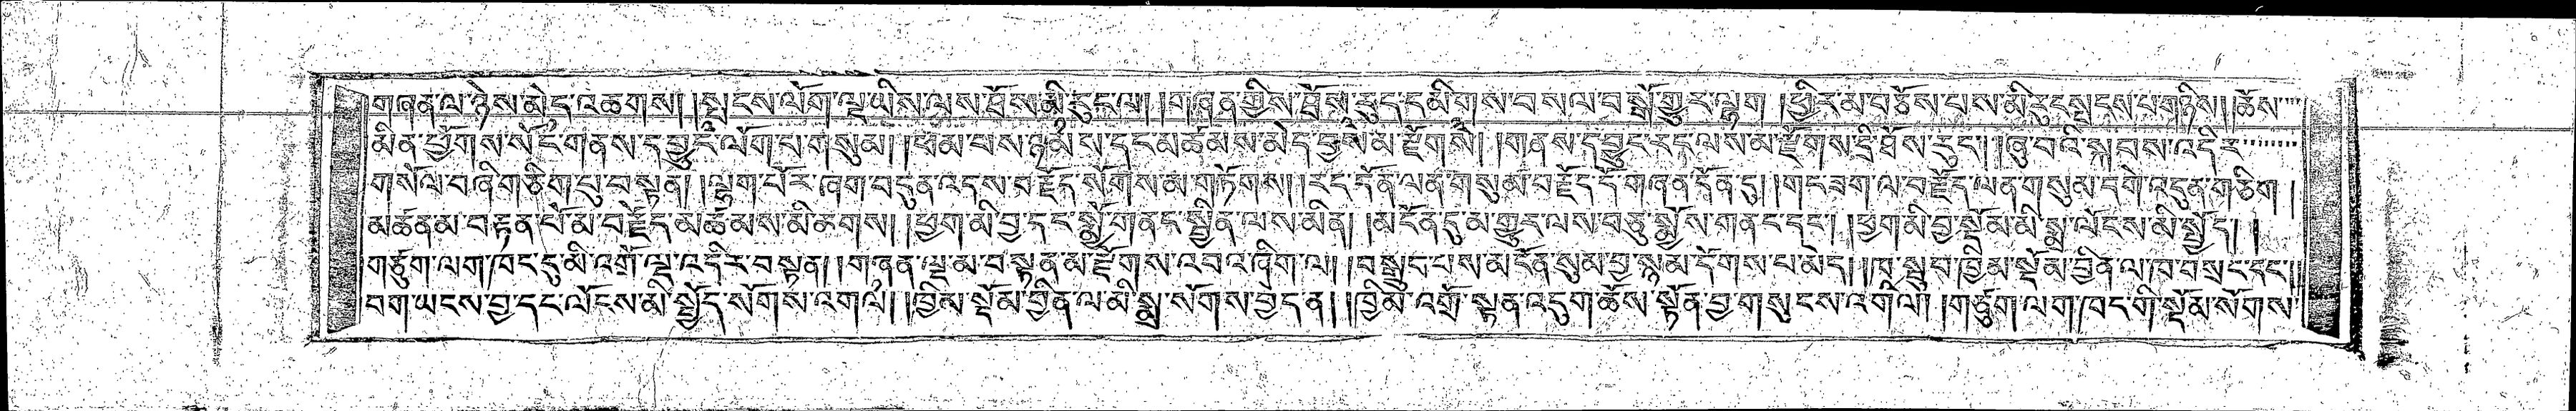གཞན་?་ཉེས་མེད་འཆགས། །སྤངས་ལོག་ལྔ་ཡིས་ལས་ཐོས་མི་རུང་ལ། །གཞན་གྱིས་ཐོས་རུང་དམིགས་བསལ་བསྒོ་གྱུར་ལྷག །ཕྱིར་མ་བཅོས་པས་མི་རུང་སྤངས་པ་གཉིས། །ཆོས་
མིན་ཕྱོགས་སོང་གནས་དབྱུང་ལོག་པ་གསུམ། །ཕམ་པས་ཉམས་དང་མཚམས་མེད་བྱས་མ་རྫོགས། །གནས་དབྱུང་རང་ལས་མ་རྫོགས་དྲི་ཐོས་རུང་། །ཞུ་བའི་སྐབས་འདིར་
གསོལ་བཞི་གཅིག་པུ་བསྟན། །ལྷག་པོར་ཞག་བདུན་འདས་བརྗོད་སོགས་མ་གཏོགས། །རང་དོན་ལན་གསུམ་བརྗོད་དོ་གཞན་དོན་དུ། །གང་ཟག་ལ་བརྗོད་ལན་གསུམ་དགེ་འདུན་གཅིག །
མཚན་མ་བརྟན་པོ་མ་བརྗོད་མཚམས་མི་ཆགས། །ཕྱག་མི་བྱ་དང་སྨྱོ་གནང་སྦྱིན་ལས་མིན། །མངོན་དུ་མ་གྱུར་ལས་བཅུ་སྨྱོས་གནང་དང་། །ཕྱག་མི་བྱ་སྡོམ་མི་སྨྲ་ལོངས་མི་སྤྱོད། །
གཙུག་ལག་ཁང་དུ་མི་འགྲོ་ལྔ་འདིར་བསྟན། །གཞན་ལྔ་མ་བསྟན་མ་རྫོགས་འབའ་ཞིག་ལ། །བསྒྲུབ་པས་མངོན་སུམ་བྱ་སྙམ་དོགས་པ་མེད། །ཁཱ་སྦུབ་ཁྱིམ་སྡོམ་བྱིན་ལ་ཁ་བསྲང་དང་། །
བག་ཡངས་བྱ་དང་ལོངས་མི་སྤྱོད་སོགས་འགལ། །ཁྱིམ་སྡོམ་བྱིན་ལ་མི་སྨྲ་སོགས་བྱེད་ན། །ཁྱིམ་འགྲོ་སྟན་འདུག་ཆོས་སྟོན་བྱ་གསུངས་འགལ། །གཙུག་ལག་ཁང་གི་སྡོམ་སོགས་